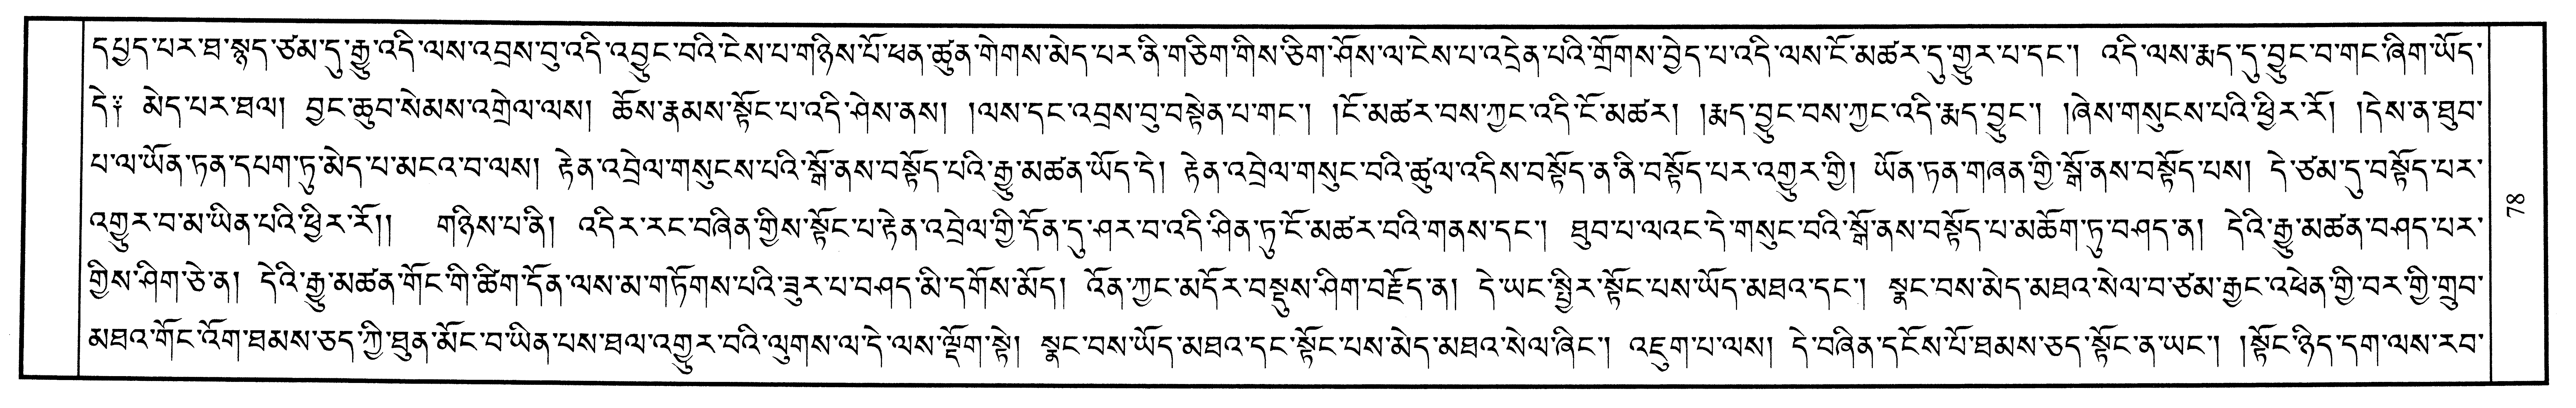དཔྱད་པར་ཐ་སྙད་ཙམ་དུ་རྒྱུ་འདི་ལས་འབྲས་བུ་འདི་འབྱུང་བའི་ངེས་པ་གཉིས་པོ་ཕན་ཚུན་གེགས་མེད་པར་ནི་གཅིག་གིས་ཅིག་ཤོས་ལ་ངེས་པ་འདྲེན་པའི་གྲོགས་བྱེད་པ་འདི་ལས་ངོ་མཚར་དུ་གྱུར་པ་དང་། འདི་ལས་རྨད་དུ་བྱུང་བ་གང་ཞིག་ཡོད་
དེ༑ མེད་པར་ཐལ། བྱང་ཆུབ་སེམས་འགྲེལ་ལས། ཆོས་རྣམས་སྟོང་པ་འདི་ཤེས་ནས། །ལས་དང་འབྲས་བུ་བསྟེན་པ་གང་། །ངོ་མཚར་བས་ཀྱང་འདི་ངོ་མཚར། །རྨད་བྱུང་བས་ཀྱང་འདི་རྨད་བྱུང་། །ཞེས་གསུངས་པའི་ཕྱིར་རོ། །དེས་ན་ཐུབ་
པ་ལ་ཡོན་ཏན་དཔག་ཏུ་མེད་པ་མངའ་བ་ལས། རྟེན་འབྲེལ་གསུངས་པའི་སྒོ་ནས་བསྟོད་པའི་རྒྱུ་མཚན་ཡོད་དེ། རྟེན་འབྲེལ་གསུང་བའི་ཚུལ་འདིས་བསྟོད་ན་ནི་བསྟོད་པར་འགྱུར་གྱི། ཡོན་ཏན་གཞན་གྱི་སྒོ་ནས་བསྟོད་པས། དེ་ཙམ་དུ་བསྟོད་པར་
འགྱུར་བ་མ་ཡིན་པའི་ཕྱིར་རོ།། གཉིས་པ་ནི། འདིར་རང་བཞིན་གྱིས་སྟོང་པ་རྟེན་འབྲེལ་གྱི་དོན་དུ་ཤར་བ་འདི་ཤིན་ཏུ་ངོ་མཚར་བའི་གནས་དང་། ཐུབ་པ་ལའང་དེ་གསུང་བའི་སྒོ་ནས་བསྟོད་པ་མཆོག་ཏུ་བཤད་ན། དེའི་རྒྱུ་མཚན་བཤད་པར་
གྱིས་ཤིག་ཅེ་ན། དེའི་རྒྱུ་མཚན་གོང་གི་ཚིག་དོན་ལས་མ་གཏོགས་པའི་ཟུར་པ་བཤད་མི་དགོས་མོད། འོན་ཀྱང་མདོར་བསྡུས་ཤིག་བརྗོད་ན། དེ་ཡང་སྤྱིར་སྟོང་པས་ཡོད་མཐའ་དང་། སྣང་བས་མེད་མཐའ་སེལ་བ་ཙམ་རྒྱང་འཕེན་གྱི་བར་གྱི་གྲུབ་
མཐའ་གོང་འོག་ཐམས་ཅད་ཀྱི་ཐུན་མོང་བ་ཡིན་པས་ཐལ་འགྱུར་བའི་ལུགས་ལ་དེ་ལས་ལྡོག་སྟེ། སྣང་བས་ཡོད་མཐའ་དང་སྟོང་པས་མེད་མཐའ་སེལ་ཞིང་། འཇུག་པ་ལས། དེ་བཞིན་དངོས་པོ་ཐམས་ཅད་སྟོང་ན་ཡང་། །སྟོང་ཉིད་དག་ལས་རབ་